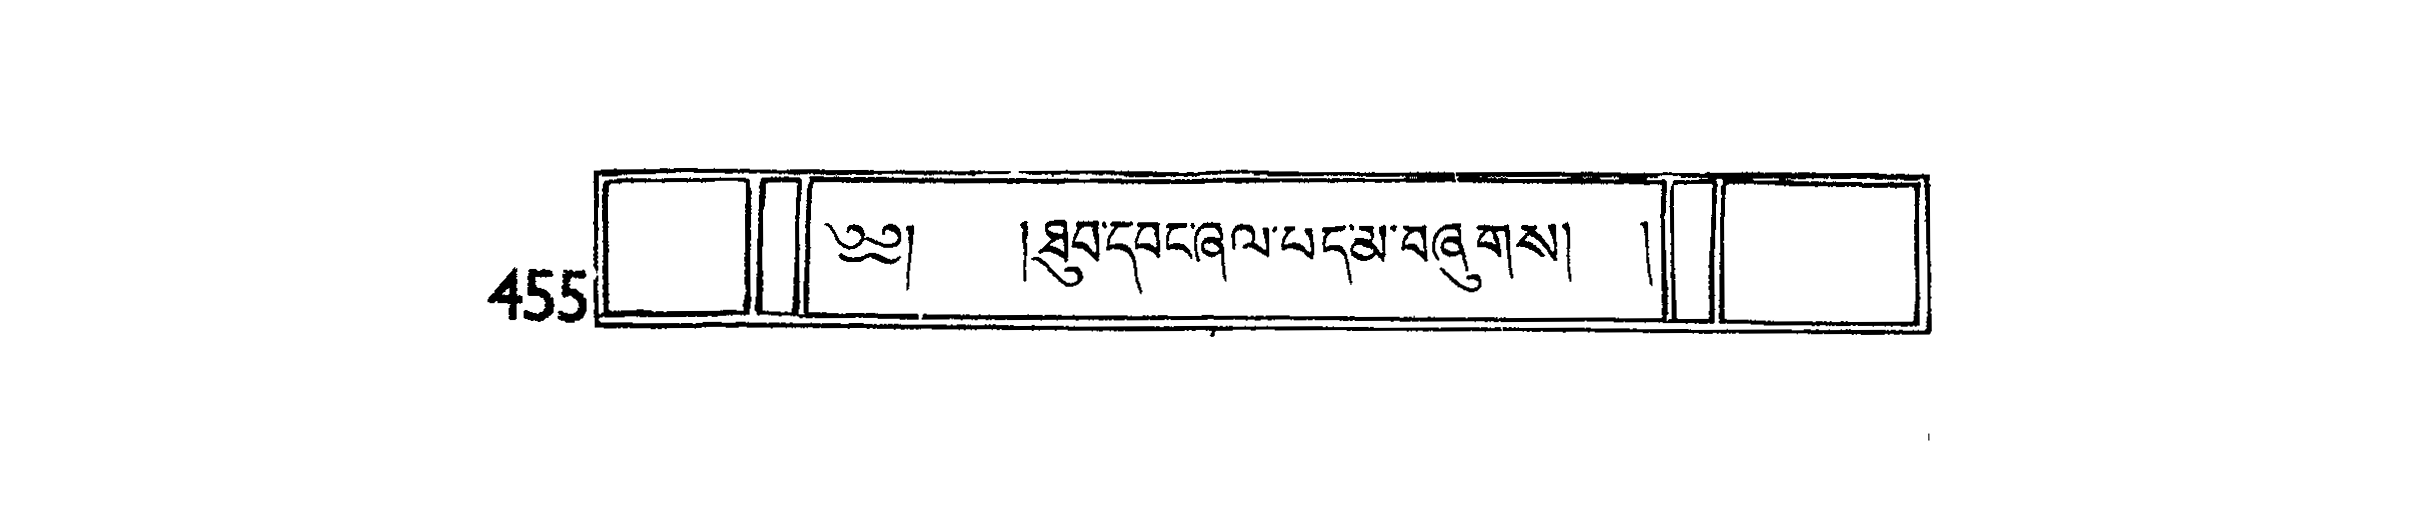༄༅། །ཐུབ་དབང་ཞལ་པད་མ་བཞུགས། །